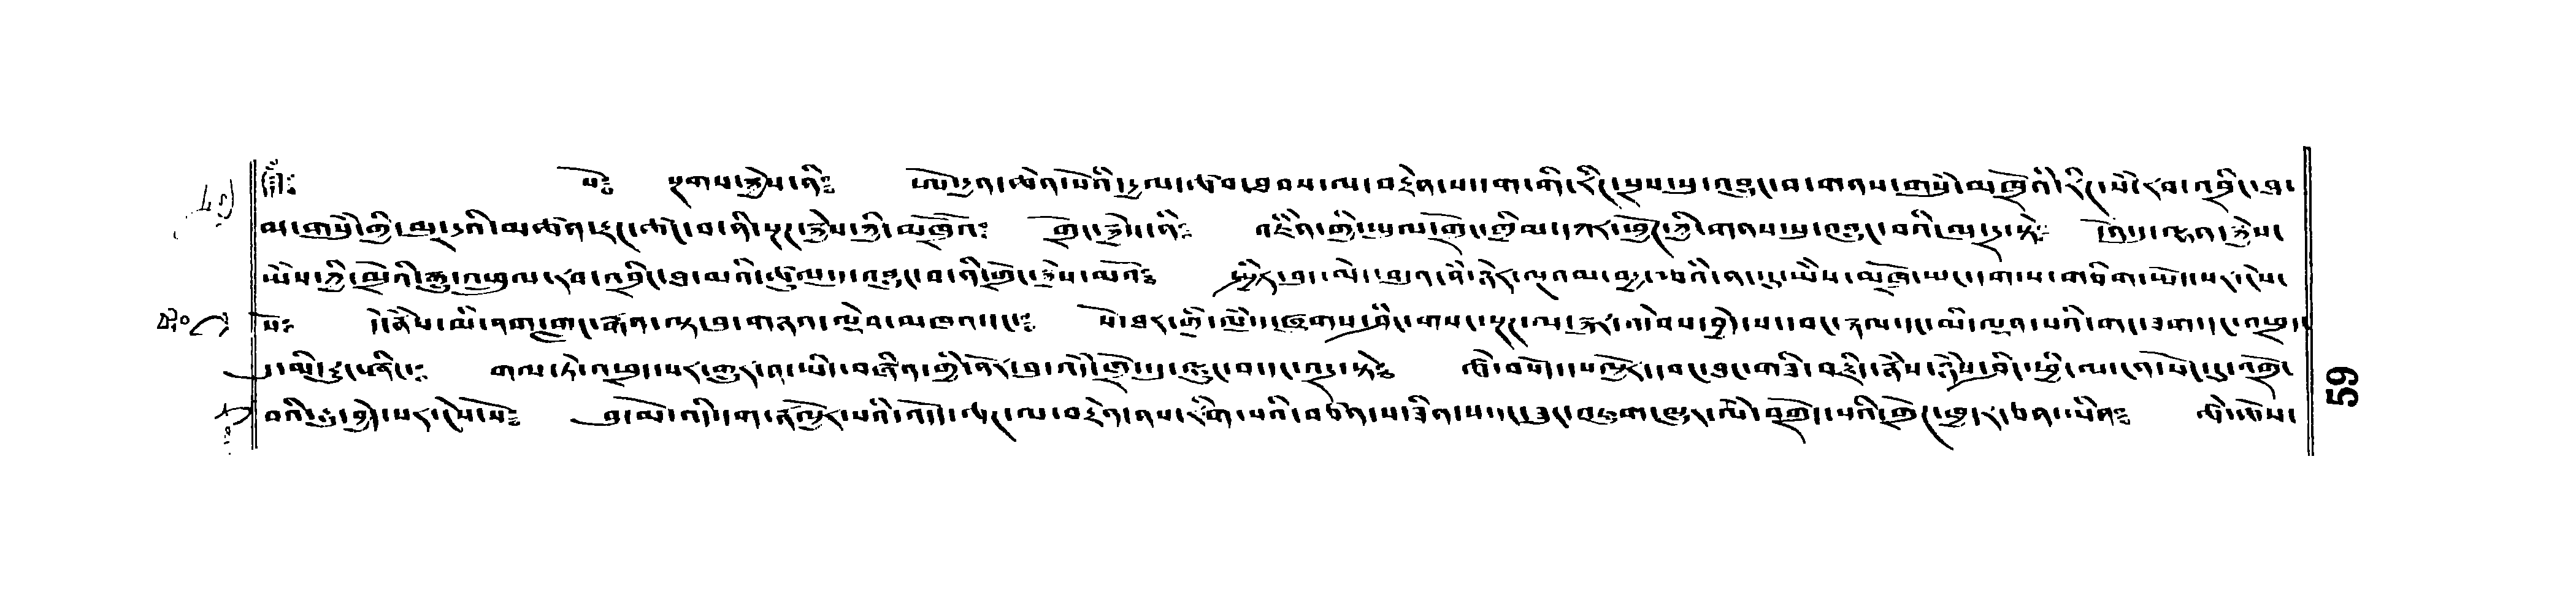སོ༔ སྔགས་སྐྱེས་ནི༔ ཨོ་རྒྱན་ཆེན་པོའི་རྒྱལ་ཚབ་ཐབས་ལ་བརྟེན་པ་དག་གི་རིགས་སྲས་སུ་འབྱུང་བ་གནས་གསུམ་མཁའ་འགྲོའི་རིགས་སམ་རབ་འབྲིང་ཐ་
མ་གསུམ་གྱི་མུ་དྲའི་མཚན་རྟགས་ཚང་བ་ནི་སྔགས་སྐྱེས་ཀྱི་མཁའ་འགྲོའོ༔ གྲོང་སྐྱེས་ནི༔ འཇིག་རྟེན་གྱི་ཡུལ་གྲོང་ཁྱིམ་དཀར་ཕྱོགས་ཀྱི་གནས་སུ་འབྱུང་བའི་མུ་དྲ་སྟེ༔ དོན་དུ་ལྷན་སྐྱེས་
ཡེ་ཤེས་ཀྱི་མཁའ་འགྲོའི་སྒྱུ་འཕྲུལ་རབ་འབྲིང་ཐ་མའི་ཚུལ་དུ་འབྱུང་བ་ནི་གྲོང་སྐྱེས་མའོ༔ སྤྱིར་བུད་མེད་བདུན་ནམ་ཉེར་ལྔའམ་བརྒྱ་རྩའི་ནང་དུ་ཡེ་ཤེས་མཁའ་འགྲོ་ཡང་དག་པ་གཅིག་ཡོད་པར་ངེས་
སོ༔ དེ་རྣམས་མི་ནག་གླང་རྒན་ལྟ་བུ་གཉའ་ལྡེབ་མཁན་དང༔ སོ་ཐར་གྱི་ལམ་དུ་ཞུགས་ཤིང་གསང་སྔགས་ལ་སྐུར་འདེབས་བྱེད་པ་དབང་སྐལ་དང་མི་ལྡན་པའི་གང་ཟག་དང་འཕྲད་
དུ་མི་རུང་ཞིང༔ གལ་ཏེ་ཕྲད་པར་གྱུར་ན་ཡིད་བཞིན་གྱི་ནོར་བུ་འདམ་ཁྲོད་དུ་ལྷུང་བ་དང་འདྲ་སྟེ༔ཚེ་བསོད་དཔལ་འབྱོར་དབང་ཐང་གཟི་བརྗིད་རྣམས་ཉམས་ཤིང་ཕྱི་མ་ངན་སོང་དུ་འགྲོ་
བའི་རྒྱུ་བྱེད་པར་ངེས་སོ༔ བུ་མོ་འདི་དག་རྣལ་འབྱོར་པའི་འདོད་ཆགས་ལ་བརྟེན་ནས་རིག་པའི་བཙན་ས་ཟིན་པ་དང་ཟུང་འཇུག་མྱུར་ལམ་བགྲོད་པའི་གྲོགས་ཁྱད་པར་ཅན་ཡིན༔ ཚེ་ཆོས་